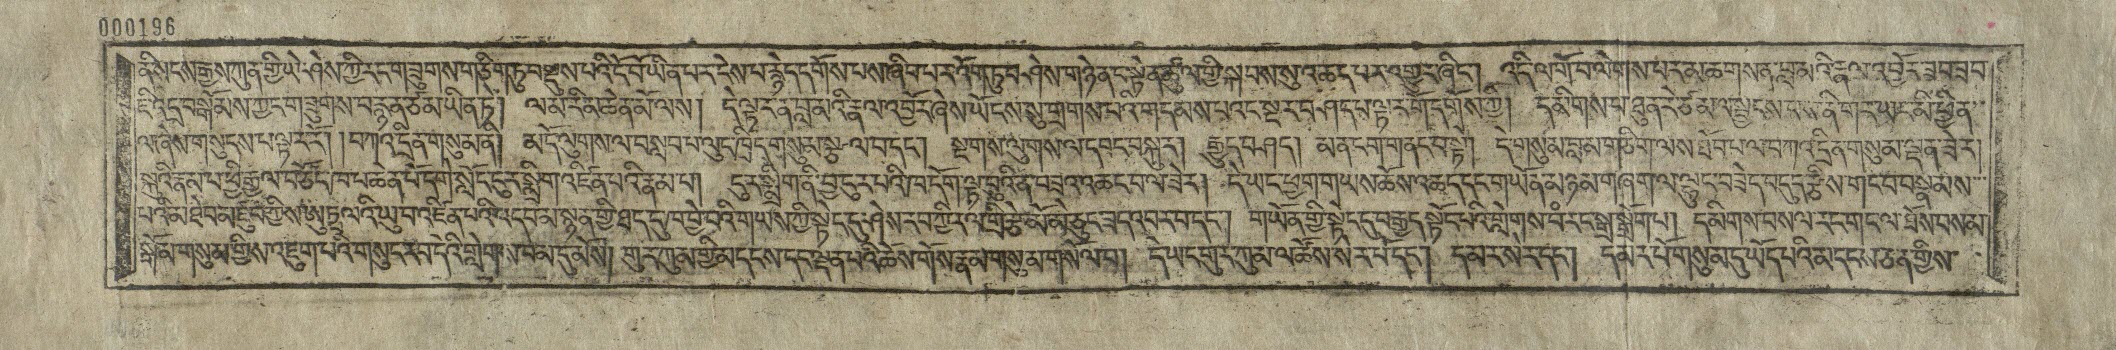ནི་སངས་རྒྱས་ཀུན་གྱི་ཡེ་ཤེས་ཀྱི་རང་གཟུགས་གཅིག་ཏུ་བསྡུས་པའི་ངོ་བོ་ཡིན་པར་ངེས་པ་རྙེད་དགོས་པས་ཞིབ་པར་འོག་ཏུ་བཤེས་གཉེན་བསྟེན་ཚུལ་གྱི་སྐབས་སུ་འཆད་པར་འགྱུར་ཞིང་། འདི་ལ་གོ་བ་ལེགས་པར་མ་ཆགས་ན་བླ་མའི་རྣལ་འབྱོར་ཟབ་ཟབ་
ཇི་འདྲ་བསྒོམས་ཀྱང་གཟུགས་བརྙན་ཙམ་ཡིན་ཏེ། ལམ་རིམ་ཆེན་མོ་ལས། དེ་ལྟར་ན་བླ་མའི་རྣལ་འབྱོར་ཞེས་ཡོངས་སུ་གྲགས་པའི་གདམས་པའང་སྔར་བཤད་པ་ལྟར་གོ་དགོས་ཀྱི། དམིགས་པ་ཐུན་རེ་ཙམ་ལ་སྦྱངས་པས་ནི་གར་ཡང་མི་ཕྱིན་
ལ་ཞེས་གསུངས་པ་ལྟར་རོ། །བཀའ་དྲིན་གསུམ་ནི། མདོ་ལུགས་ལ་བསླབ་པ་ལུང་ཁྲིད་གསུམ་སྩལ་བ་དང་། སྔགས་ལུགས་ལ་དབང་བསྐུར། རྒྱུད་བཤད། མན་ངག་གནང་བ་སྟེ། དེ་གསུམ་བླ་མ་གཅིག་ལས་ཐོབ་པ་ལ་བཀའ་དྲིན་གསུམ་ལྡན་ཟེར།
སྐུའི་རྣམ་པ་ཕྱི་རྒྱལ་བ་ཙོང་ཁ་པ་ཆེན་པོ་དགེ་སློང་ངུར་སྨྲིག་འཛིན་པའི་རྣམ་པ། ངུར་སྨྲིག་ནི་བྱ་ངུར་པའི་ཁ་དོག་ལྟ་བུའི་ན་བཟའ་འཆང་བ་ལ་ཟེར། དེ་ཡང་ཕྱག་གཡས་ཆོས་འཆད་དང་གཡོན་མཉམ་གཞག་ལ་ལྷུང་བཟེད་བདུད་རྩིས་གང་བ་བསྣམས་
པའི་མཐེབ་མཛུབ་ཀྱིས་ཨུཏྤ་ལའི་ཡུ་བ་འཛིན་པའི་འདབ་མ་སྙན་གྱི་ཐད་དུ་ཁ་བྱེ་བའི་གཡས་ཀྱི་སྟེང་དུ་ཤེས་རབ་ཀྱི་རལ་གྲི་རྩེ་མོ་མེ་ཅུང་ཟད་འབར་བ་དང་། གཡོན་གྱི་སྟེང་དུ་བརྒྱད་སྟོང་པའི་གླེགས་བཾ་རང་སྒྲ་སྒྲོག་པ། དམིགས་བསལ་རང་གང་ལ་ཐོས་བསམ་
སྒོམ་གསུམ་གྱིས་འཇུག་པའི་གསུང་རབ་དེའི་གླེགས་བམ་དུ་མོས། གུར་ཀུམ་གྱི་མདངས་དང་ལྡན་པའི་ཆོས་གོས་རྣམ་གསུམ་གསོལ་བ། དེ་ཡང་གུར་ཀུམ་ལ་ཚོས་སེར་པོ་དང་། དམར་སེར་དང་། དམར་པོ་གསུམ་དུ་ཡོད་པའི་མདངས་ཅན་གྱིས་